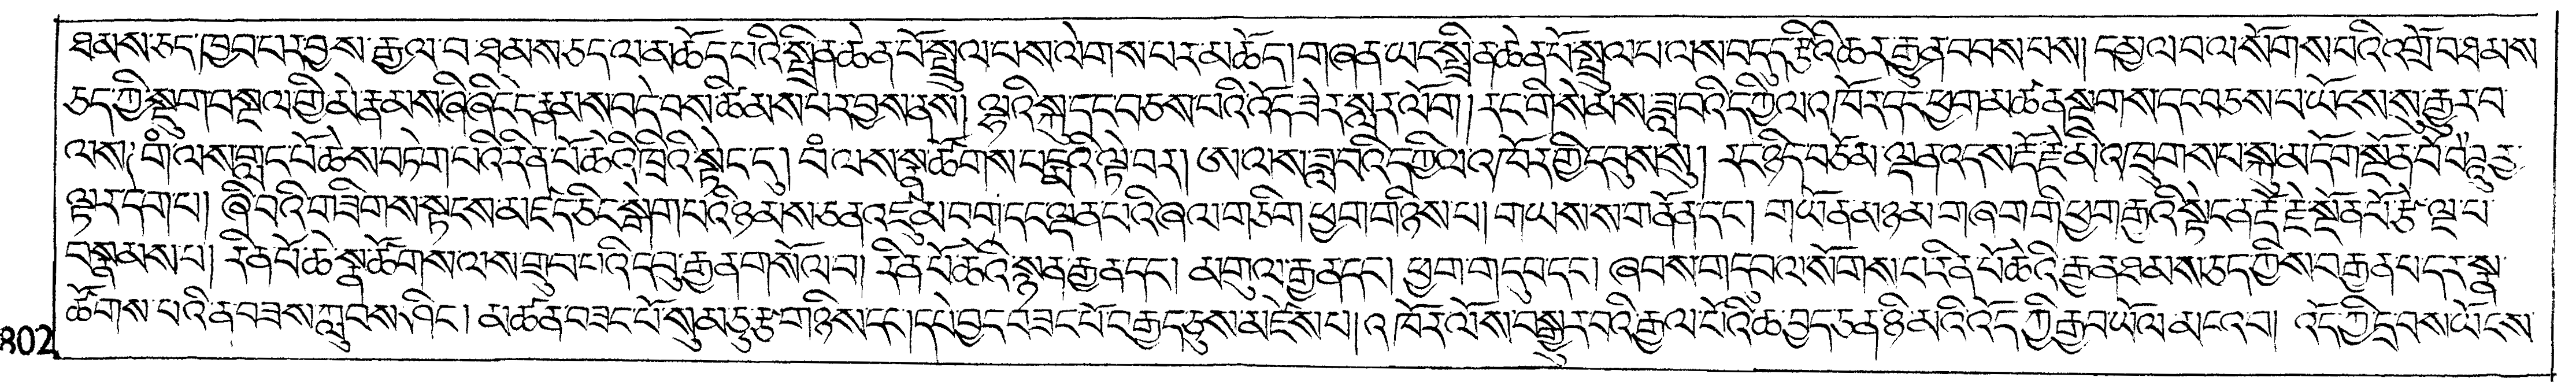ཐམས་ཅད་ཁྱབ་པར་བྱས་རྒྱལ་བ་ཐམས་ཅད་ལ་མཆོད་པའི་སྤྲིན་ཆེན་པོ་སྤྲུལ་པས་ལེགས་པར་མཆོད། གཞན་ཡང་སྤྲིན་ཆེན་པོ་སྤྲུལ་པ་ལས་བདུད་རྩིའི་ཆར་རྒྱུན་བབས་པས། དམྱལ་བ་ལ་སོགས་པའི་འགྲོ་བ་ཐམས་
ཅད་ཀྱི་སྡུག་བསྔལ་གྱི་མེ་རྣམས་ཞི་ཞིང་དེ་རྣམས་བདེ་བས་ཚིམས་པར་བྱས་ནས། ལྷའི་སྐུ་དང་བཅས་པའི་འོད་ཟེར་སླར་ལོག །རང་གི་སེམས་ཟླ་བའི་དཀྱིལ་འཁོར་དང་ཕྱག་མཚན་སྔགས་དང་བཅས་པ་ཡོངས་སུ་རྒྱུར་བ་
ལས༑ གཾ་ལས་གླང་པོ་ཆེས་བཏེག་པའི་རིན་པོ་ཆེའི་ཁྲིའི་སྟེང་དུ། པཾ་ལས་སྣ་ཚོགས་པདམའི་ལྟེ་བར། ཨ་ལས་ཟླ་བའི་དཀྱིལ་འཁོར་གྱི་དབུས་སུ། རང་ཉིད་བཅོམ་ལྡན་འདས་རྡོ་རྗེ་མི་འཁྲུགས་པ་སྐུ་མདོག་སྔོན་པོ་བཻ་ཌཱུརྱ་
ལྟར་དག་པ། ཞི་བའི་གཟིགས་སྟངས་མཛད་ཅིང་སྒེག་པའི་ཉམས་ཅན་འཛུམ་བག་དང་ལྡན་པའི་ཞལ་གཅིག་ཕྱག་གཉིས་པ། གཡས་ས་གནོན་དང་། གཡོན་མཉམ་གཞག་གི་ཕྱག་རྒྱའི་སྟེང་ན་རྡོ་རྗེ་སྔོན་པོ་རྩེ་ལྔ་པ་
བསྣམས་པ། རིན་པོ་ཆེ་སྣ་ཚོགས་ལས་གྲུབ་པའི་དབུ་རྒྱན་གསོལ་བ། རིན་པོ་ཆེའི་སྙན་རྒྱན་དང་། མགུལ་རྒྱན་དང་། ཕྱག་གདུབ་དང་། ཞབས་གདུབ་ལ་སོགས་པ་རིན་པོ་ཆེའི་རྒྱན་ཐམས་ཅད་ཀྱིས་བརྒྱན་པ་དར་སྣ་
ཚོགས་པའི་ན་བཟས་ཀླུབས་ཤིང་། མཚན་བཟང་པོ་སུམ་ཅུ་རྩ་གཉིས་དང་། དཔེ་བྱད་བཟང་པོ་བརྒྱད་ཅུས་མཛེས་པ། འཁོར་ལོས་བསྒྱུར་བའི་རྒྱལ་པོའི་ཆ་བྱད་ཅན་ཉི་མའི་འོད་ཀྱི་རྒྱབ་ཡོལ་མངའ་བ། འོད་ཀྱི་དྲ་བས་ཡོངས་